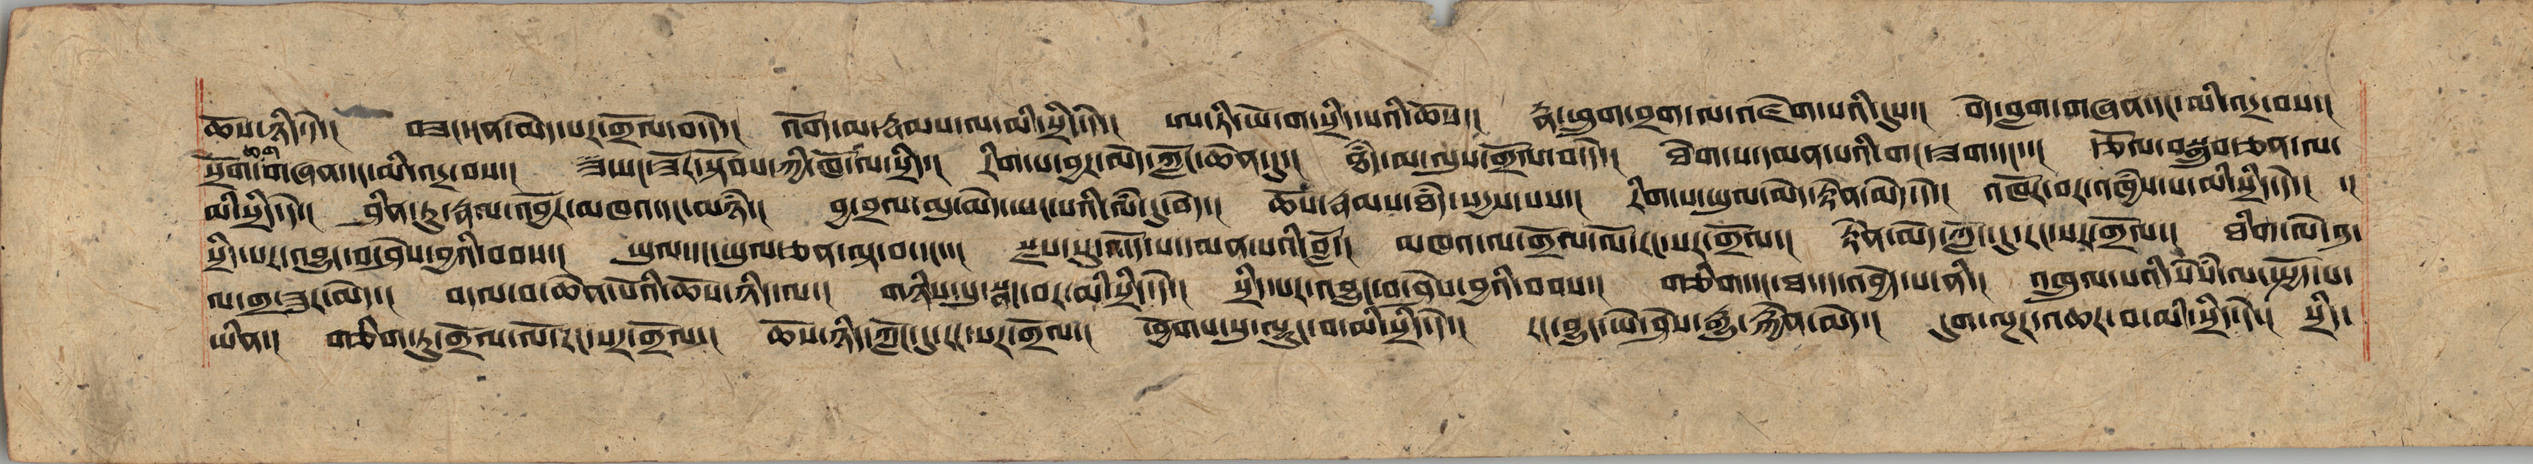ཆོས་ཉིད་དེ་། བཟང་ངན་མེད་པར་གྲོལ་བ་དེ་། འོག་མ་རྣམས་ལ་མི་སྲིད་དེ་། ཨ་ཏི་ཡོ་ག་སྲིད་པའི་ཆོས་། རྣ་ཕྲུག་བྲག་ལ་འཛེག་པའི་དུས་། བདེ་བླག་གཞན་དང་མི་འདྲ་བས་།
སྲོག་ཆག་གཞན་དང་མི་འདྲ་བས་། ཟཡང་ཟོར་སྟོབས་ཀྱི་ཁོ་ལ་སྲིད་། རིག་པ་བྱར་མེད་ཀློང་ཆེན་དུ་ ཐདཾ་མ་ལུས་གྲོལ་བ་དེ་། ཐེག་པ་དམན་པའི་གང་ཟག་དང་་། རྩོལ་བསྒྲུབ་ཅན་ལ་
མི་སྲིད་དེ་། ཤིན་ཏུ་རྣལ་འབྱོར་མཁའ་དང་མཉཾ་། བྱ་བྲལ་མུ་མེད་ཡང་པའི་ལཾ་དུ་བདེ་། ཆོས་རྣམས་ཐཾད་སདྱས་པས་། རིག་པ་ཡུལ་མེད་རྟེན་མེད་དེ་། འཁོར་བར་འཁྱཾས་པ་མི་སྲིད་དེ་། ་།
སྲིད་པར་འབྱུང་བ་ཤེས་བྱའི་བབས་། ཡུལ་དང་ཡུལ་ཅན་ལྟ་བ་དང་་། སྫས་སུ་འདོད་པ་དམན་པའི་བློ་། མཁའ་ལ་གྲོལ་ལོ་རང་སར་གྲོལ་། རྟེན་མེད་ཀློང་དུ་རང་སར་གྲོལ་། ཐིག་ལེ་བུ་
ལ་གྲ་ཟུར་མེད་། བདལ་བ་ཆེན་པོའི་ཆོས་ཉིད་ལ་། གཉིས་སུ་སྣང་བར་མི་སྲིད་དེ་། སྲིད་པར་འབྱུང་བ་ཤེས་བྱའི་བབས་། གཅིག་དང་ཐ་དད་འབྱེད་པ་ནི་། འཁྲུལ་པའི་སེཾས་ལ་སྤྱོད་པ་
ཡིན་། གཅིག་ཏུ་གྲོལ་ལོ་རང་སར་གྲོལ་། ཆོས་ཉིད་ཀློང་དུ་རང་སར་གྲོལ་། ཕྱོགས་སུ་ལྟུང་བ་མི་སྲིད་དེ་། རང་བྱུང་ཡེ་ཤེས་རྒྱུ་རྐྱེན་མེད་། དུག་ལྔར་འཆར་བ་མི་སྲིད་དེ་། སྲིད་